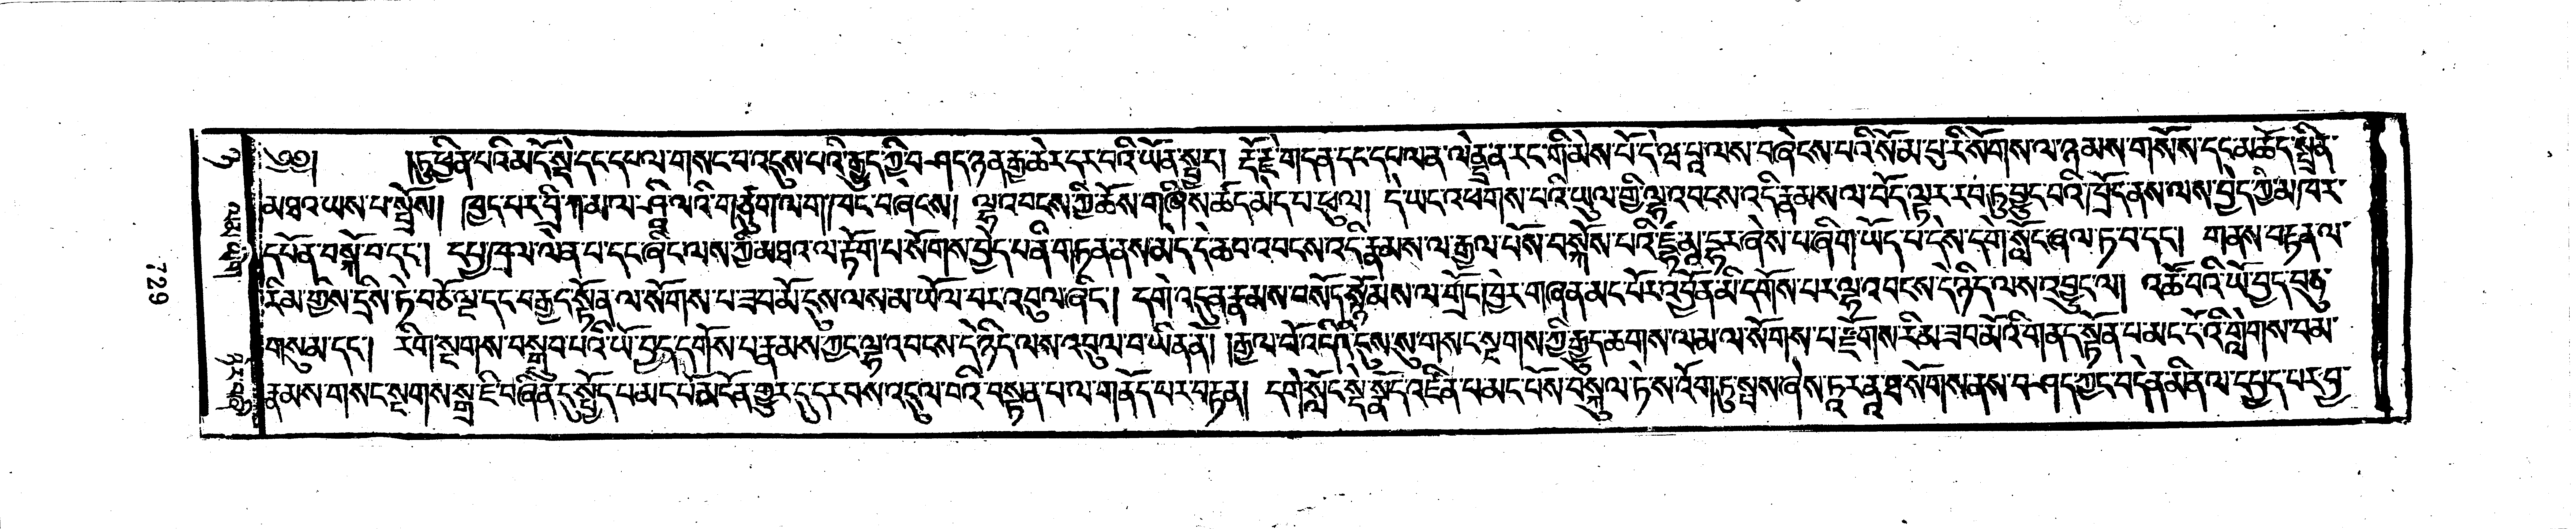༄༅། །ཏུ་ཕྱིན་པའི་མདོ་སྡེ་དང་དཔལ་གསང་བ་འདུས་པའི་རྒྱུད་ཀྱི་བཤད་ཉན་རྒྱ་ཆེར་དར་བའི་ཡོན་སྦྱར། རྡོ་རྗེ་གདན་དང་དཔལ་ན་ལེནྡྲ་ན་རང་གི་མེས་པོ་དེ་ཝ་པཱ་ལས་བཞེངས་པའི་སོ་མ་པུ་རི་སོགས་ལ་ཉམས་གསོས་དང་མཆོད་སྤྲིན་
མཐའ་ཡས་པ་སྤྲོས། ཁྱད་པར་བྲི་ཀ་མ་ལ་ཤཱི་ལའི་གཙུག་ལག་ཁང་བཞེངས། ལྷ་འབངས་ཀྱི་ཆོས་གཞིས་ཚད་མེད་པ་ཕུལ། དེ་ཡང་འཕགས་པའི་ཡུལ་གྱི་ལྷ་འབངས་འདི་རྣམས་ལ་བོད་ལྟར་རབ་ཏུ་བྱུང་བའི་ཁྲོད་ནས་ལས་བྱེད་ཀྱི་མཁར་
དཔོན་བསྐོ་བ་དང་། དཔྱ་ཁྲལ་ལེན་པ་དང་ཞིང་ལས་ཀྱི་མཐའ་ལ་རྟོག་པ་སོགས་བྱེད་པ་ནི་གཏན་ནས་མེད་དེ་ཆབ་འབངས་འདི་རྣམས་ལ་རྒྱལ་པོས་བསྐོས་པའི་ཛྷ་མཱ་དྷར་ཞེས་པ་ཞིག་ཡོད་པ་དེས་དགེ་སློང་ཞལ་ཏ་བ་དང་། གནས་བརྟན་ལ་
རིམ་གྱིས་དྲིས་ཏེ་བཅོ་ལྔ་དང་བརྒྱད་སྟོན་ལ་སོགས་པ་ཟབ་མོ་དུས་ལས་མ་ཡོལ་བར་འབུལ་ཞིང་། དགེ་འདུན་རྣམས་བསོད་སྙོམས་ལ་གྲོང་ཁྱེར་གཞན་མང་པོར་འབྱོན་མི་དགོས་པར་ལྷ་འབངས་དེ་ཉིད་ལས་འབྱུང་ལ། འཚོ་བའི་ཡོ་བྱད་བཅུ་
གསུམ་དང་། རིག་སྔགས་བསྒྲུབ་པའི་ཡོ་བྱད་དགོས་པ་རྣམས་ཀྱང་ལྷ་འབངས་དེ་ཉིད་ལས་འབུལ་བ་ཡིན་ནོ། །རྒྱལ་བོ་འདིའི་དུས་སུ་གསང་སྔགས་ཀྱི་རྒྱུད་ཆགས་ལམ་ལ་སོགས་པ་རྫོགས་རིམ་ཟབ་མོའི་གནད་སྟོན་པ་མང་ངོའི་གླེགས་བམ་
རྣམས་གསང་སྔགས་སྒྲ་ཇི་བཞིན་དུ་སྤྱོད་པ་མང་པོ་མངོན་གྱུར་དུ་དར་བས་འདུལ་བའི་བསྟན་པ་ལ་གནོད་པར་བརྟན། དགེ་སློང་སྡེ་སྣོད་འཛིན་པ་མང་པོས་བསྐུལ་ཏེ་ས་འོག་ཏུ་སྤས་ཞེས་ཏཱར་ནཱ་ཐ་སོགས་ནས་བཤད་ཀྱང་བདེན་མིན་ལ་དཔྱད་པར་བྱ་